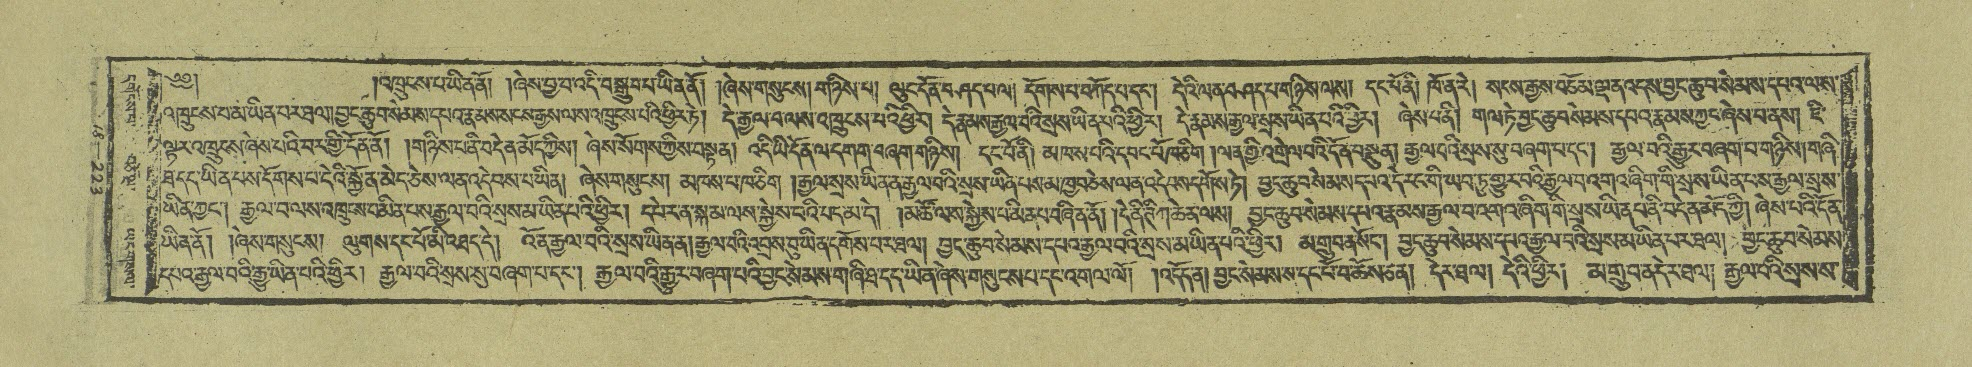༄༅། །འཁྲུངས་པ་ཡིན་ནོ། །ཞེས་བྱ་བ་འདི་བསྒྲུབ་པ་ཡིན་ནོ། །ཞེས་གསུངས། གཉིས་པ། ལུང་དོན་བཤད་པ་ལ། དོགས་པ་བཀོད་པ་དང་། དེའི་ལན་བཤད་པ་གཉིས་ལས། དང་པོ་ནི། ཁོ་ན་རེ། སངས་རྒྱས་བཅོམ་ལྡན་འདས་བྱང་ཆུབ་སེམས་དཔའ་ལས་
འཁྲུངས་པ་མ་ཡིན་པར་ཐལ། བྱང་ཆུབ་སེམས་དཔའ་རྣམས་སངས་རྒྱས་ལས་འཁྲུངས་པའི་ཕྱིར་ཏེ། དེ་རྒྱལ་བ་ལས་འཁྲུངས་པའི་ཕྱིར། དེ་རྣམས་རྒྱལ་བའི་སྲས་ཡིན་པའི་ཕྱིར། དེ་རྣམས་རྒྱལ་སྲས་ཡིན་པའི་ཕྱིར། ཞེས་པ་ནི། གལ་ཏེ་བྱང་ཆུབ་སེམས་དཔའ་རྣམས་ཀྱང་ཞེས་པ་ནས། ཇི་
ལྟར་འཁྲུངས་ཞེས་པའི་བར་གྱི་དོན་ནོ། །གཉིས་པ་ནི་བདེན་མོད་ཀྱིས། ཞེས་སོགས་ཀྱིས་བསྟན། འདི་ཡི་དོན་ལ་དགག་བཞག་གཉིས། དང་པོ་ནི། མཁས་པའི་དབང་པོ་ཁ་ཅིག །ལན་གྱི་འགྲེལ་བའི་དོན་བསྡུ་ན། རྒྱལ་བའི་སྲས་སུ་བཞག་པ་དང་། རྒྱལ་བའི་རྒྱུར་བཞག་པ་གཉིས། གཞི་
ཐ་དད་ཡིན་པས་དོགས་པ་དེའི་སྐྱོན་མེད་ཅེས་ལན་འདེབས་པ་ཡིན། ཞེས་གསུངས། མཁས་པ་ཁ་ཅིག །རྒྱལ་སྲས་ཡིན་ན་རྒྱལ་བའི་སྲས་ཡིན་པས་མ་ཁྱབ་ཅེས་ལན་འདེབས་དགོས་ཏེ། བྱང་ཆུབ་སེམས་དཔའ་དེ་རང་གི་ཡབ་ཏུ་གྱུར་པའི་རྒྱལ་བ་འགའ་ཞིག་གི་སྲས་ཡིན་པས་རྒྱལ་སྲས་
ཡིན་ཀྱང་། རྒྱལ་བ་ལས་འཁྲུངས་པ་མིན་པས་རྒྱལ་བའི་སྲས་མ་ཡིན་པའི་ཕྱིར། དཔེར་ན་སྐམ་ལས་སྐྱེས་པའི་པད་མ་དེ། །མཚོ་ལས་སྐྱེས་པ་མིན་པ་བཞིན་ནོ། །དེ་ནི་ཊིཀ་ཆེན་ལས། བྱང་ཆུབ་སེམས་དཔའ་རྣམས་རྒྱལ་བ་འགའ་ཞིག་གི་སྲས་ཡིན་པ་ནི་བདེན་མོད་ཀྱི། ཞེས་པའི་དོན་
ཡིན་ནོ། ཞེས་གསུངས། ལུགས་དང་པོ་མི་འཐད་དེ། འོ་ན་རྒྱལ་བའི་སྲས་ཡིན་ན། རྒྱལ་བའི་འབྲས་བུ་ཡིན་དགོས་པར་ཐལ། བྱང་ཆུབ་སེམས་དཔའ་རྒྱལ་བའི་སྲས་མ་ཡིན་པའི་ཕྱིར། མ་གྲུབ་ན་སོང་། བྱང་ཆུབ་སེམས་དཔའ་རྒྱལ་བའི་སྲས་མ་ཡིན་པར་ཐལ། བྱང་ཆུབ་སེམས་
དཔའ་རྒྱལ་བའི་རྒྱུ་ཡིན་པའི་ཕྱིར། རྒྱལ་བའི་སྲས་སུ་བཞག་པ་དང་། རྒྱལ་བའི་རྒྱུར་བཞག་པའི་བྱང་སེམས་གཞི་ཐ་དད་ཡིན་ཞེས་གསུངས་པ་དང་འགལ་ལོ། །འདོད་ན། བྱང་སེམས་དང་པོ་བ་ཆོས་ཅན། དེར་ཐལ། དེའི་ཕྱིར། མ་གྲུབ་ན་དེར་ཐལ། རྒྱལ་བའི་སྲས་ས་